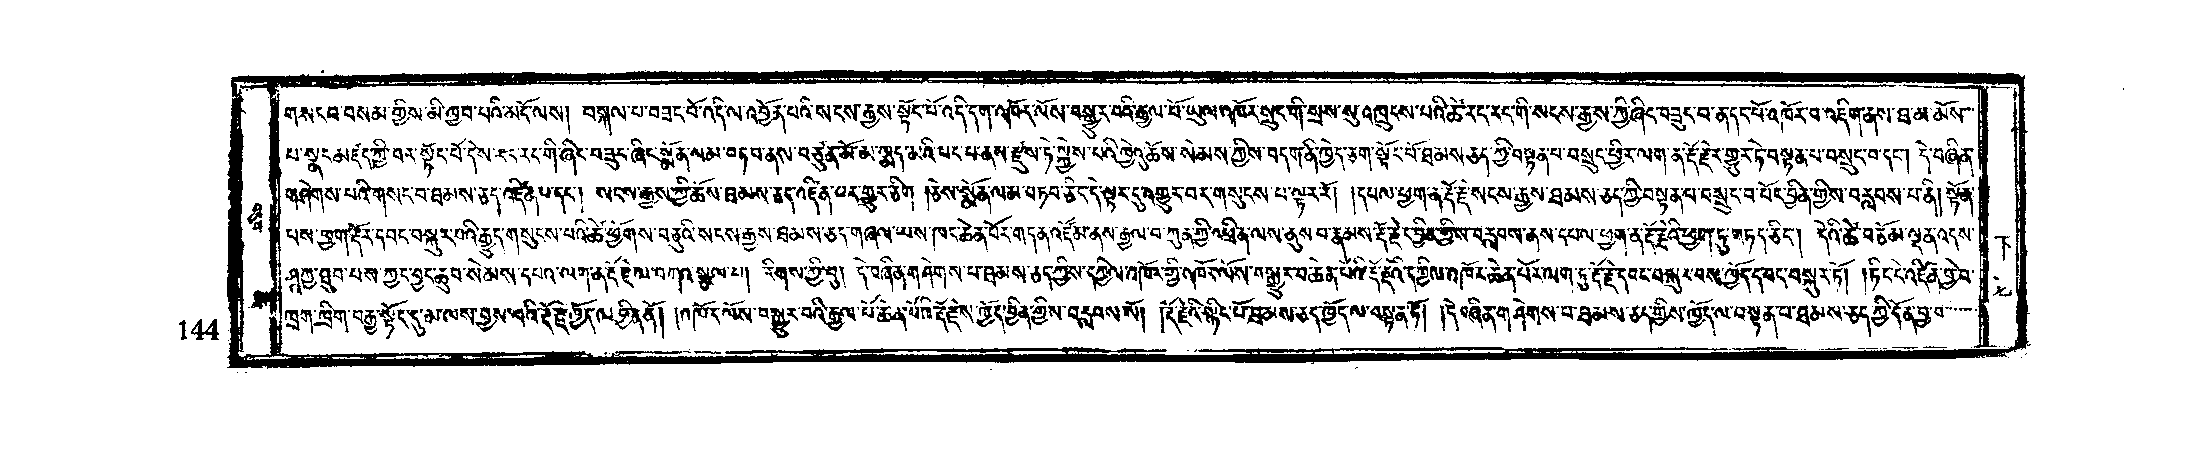གསང་བ་བསམ་གྱིས་མི་ཁྱབ་པའི་མདོ་ལས། བསྐལ་པ་བཟང་པོ་འདི་ལ་འབྱོན་པའི་སངས་རྒྱས་སྟོང་པོ་འདི་དག་འཁོར་ལོས་བསྒྱུར་བའི་རྒྱལ་པོ་ཡུལ་འཁོར་སྲུང་གི་སྲས་སུ་འཁྲུངས་པའི་ཚེ་རང་རང་གི་སངས་རྒྱས་ཀྱི་ཞིང་བཟུང་བ་ན་དང་པོ་འཁོར་བ་འཇིག་ནས་ཐ་མ་མོས་
པ་སྣང་མཛད་ཀྱི་བར་སྟོང་པོ་དེས་རང་རང་གི་ཞིང་བཟུང་ཞིང་སྨོན་ལམ་བཏབ་ནས་བཙུན་མོ་མ་སྨད་མའི་པང་པ་ནས་རྫུས་ཏེ་སྐྱེས་པའི་ཁྱེའུ་ཆོས་སེམས་ཀྱིས་བདག་ནི་ཁྱེད་ཅག་སྟོང་པོ་ཐམས་ཅད་ཀྱི་བསྟན་པ་བསྲུང་ཕྱིར་ལག་ན་རྡོ་རྗེར་གྱུར་ཏེ་བསྟན་པ་བསྲུང་བ་དང་། དེ་བཞིན་
གཤེགས་པའི་གསང་བ་ཐམས་ཅད་འཛིན་པ་དང་། སངས་རྒྱས་ཀྱི་ཆོས་ཐམས་ཅད་འཛིན་པར་གྱུར་ཅིག །ཅེས་སྨོན་ལམ་བཏབ་ཅིང་དེ་སྟར་དུ་འགྱུར་བར་གསུངས་པ་ལྟར་རོ། །དཔལ་ཕྱག་ན་རྡོ་རྗེ་སངས་རྒྱས་ཐམས་ཅད་ཀྱི་བསྟན་པ་བསྲུང་བ་པོར་བྱིན་གྱིས་བརླབས་པ་ནི། སྟོན་
པས་ཕྱག་རྡོར་དབང་བསྐུར་བའི་རྒྱུད་གསུངས་པའི་ཚེ་ཕྱོགས་བཅུའི་སངས་རྒྱས་ཐམས་ཅད་གཞལ་ཡས་ཁང་ཆེན་པོར་གདན་འཛོམ་ནས་རྒྱལ་བ་ཀུན་གྱི་འཕྲིན་ལས་ནུས་པ་རྣམས་རྡོ་རྗེ་དབྱིན་གྱིས་བརླབས་ནས་དཔལ་ཕྱག་ན་རྡོ་རྗེའི་ཕྱག་ཏུ་གཏད་ཅིང་། དེའི་ཚེ་བཅོམ་ལྡན་འདས་
ཤཱཀྱ་ཐུབ་པས་ཀྱང་བྱང་ཆུབ་སེམས་དཔའ་ལག་ན་རྡོ་རྗེ་ལ་བཀའ་སྩལ་པ། རིགས་ཀྱི་བུ། དེ་བཞིན་གཤེགས་པ་ཐམས་ཅད་ཀྱིས་དཀྱིལ་འཁོར་གྱི་འཁོར་ལོས་བསྒྱུར་བ་ཆེན་པོའི་རྡོ་རྗེའི་དཀྱིལ་འཁོར་ཆེན་པོར་ལག་ཏུ་རྡོ་རྗེ་དབང་བསྐུར་བས་ཁྱོད་དབང་བསྐུར་ཏོ། །ཏིང་ངེ་འཛིན་བྱེ་བ་
ཁྲག་ཁྲིག་བརྒྱ་སྟོང་དུ་མ་ལས་བྱས་པའི་རྡོ་རྗེ་ཁྱོད་ལ་བྱིན་ནོ། །འཁོར་ལོས་བསྒྱུར་བའི་རྒྱལ་པོ་ཆེན་པོའི་རྡོ་རྗེས་ཁྱོད་བྱིན་གྱིས་བརླབས་སོ། །རྡོ་རྗེའི་སྙིང་པོ་ཐམས་ཅད་ཁྱོད་ལ་བསྟན་ཏོ། །དེ་བཞིན་གཤེགས་པ་ཐམས་ཅད་ཀྱིས་ཁྱོད་ལ་བསྟན་པ་ཐམས་ཅད་ཀྱི་དོན་བྱ་བ་